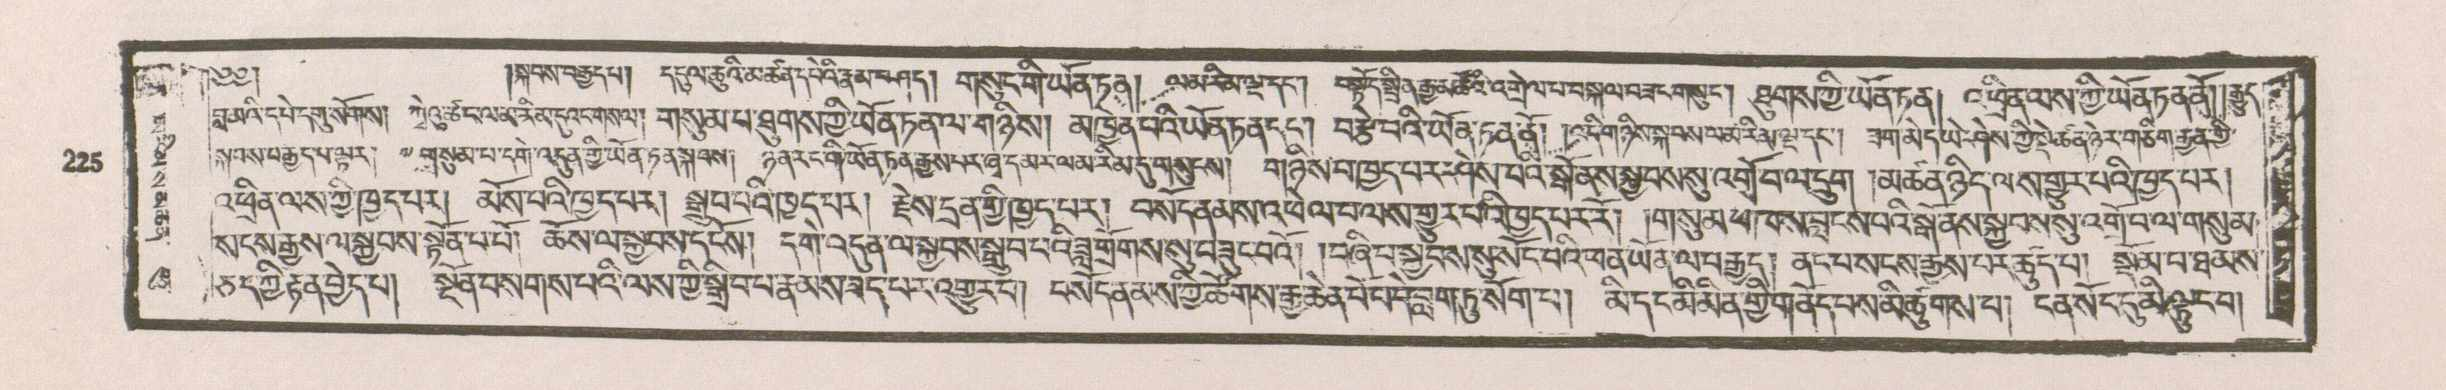༄༅། ། སྐབས་བརྒྱད་པ། དངུལ་ཆུའི་མཚན་དཔེའི་རྣམ་བཤད།  གསུང་གི་ཡོན་ཏན། ལམ་རིམ་ལྔ་དང་། བསྟོད་སྤྲིན་རྒྱ་མཚོའི་འགྲེལ་པ་བསྐལ་བཟང་གསུང་།  ཐུགས་ཀྱི་ཡོན་ཏན། འཕྲིན་ལས་ཀྱི་ཡོན་ཏན་ནོ། ། རྒྱུད
བླ་མའི་དཔེ་དགུ་སོགས། ཀྭེའུ་ཚང་ལམ་རིམ་དུའང་གསལ།  གསུམ་པ་ཐུགས་ཀྱི་ཡོན་ཏན་ལ་གཉིས། མཁྱེན་པའི་ཡོན་ཏན་དང་། བརྩེ་བའི་ཡོན་ཏན་ནོ། ། འདི་གཉིས་སྐབས་ལམ་རིམ་ལྔ་དང་། ཟག་མེད་ཡེ་ཤེས་ཀྱི་སྡེ་ཚན་ཉེར་གཅིག་རྒྱན་གྱི
སྐབས་བརྒྱད་པ་ལྟར། ~གསུམ་པ་དགེ་འདུན་གྱི་ཡོན་ཏན་སྐབས། ཉན་རང་གི་ཡོན་ཏན་རྒྱས་པར་ཞྭ་དམར་ལམ་རིམ་དུ་གསུངས།  གཉིས་པ་ཁྱད་པར་ཤེས་པའི་སྒོ་ནས་སྐྱབས་སུ་འགྲོ་བ་ལ་དྲུག །མཚན་ཉིད་ལས་གྱུར་པའི་ཁྱད་པར།
འཕྲིན་ལས་ཀྱི་ཁྱད་པར། མོས་པའི་ཁྱད་པར། སྒྲུབ་པའི་ཁྱད་པར། རྗེས་དྲན་གྱི་ཁྱད་པར། བསོད་ནམས་འཕེལ་བ་ལས་གྱུར་པའི་ཁྱད་པར་རོ། །གསུམ་པ་ཁས་བླངས་པའི་སྒོ་ནས་སྐྱབས་སུ་འགྲོ་བ་ལ་གསུམ།
སངས་རྒྱས་ལ་སྐྱབས་སྟོན་པ་པོ། ཆོས་ལ་སྐྱབས་དངོས། དགེ་འདུན་ལ་སྐྱབས་སྒྲུབ་པའི་ཟླ་གྲོགས་སུ་བཟུང་བའོ། །བཞི་པ་སྐྱབས་སུ་སོང་བའི་ཕན་ཡོན་ལ་བརྒྱད། ནང་པ་སངས་རྒྱས་པར་ཚུད་པ། སྡོམ་པ་ཐམས་
ཅད་ཀྱི་རྟེན་བྱེད་པ། སྔོན་བསགས་པའི་ལས་ཀྱི་སྒྲིབ་པ་རྣམས་ཟད་པར་འགྱུར་བ། བསོད་ནམས་ཀྱི་ཚོགས་རྒྱ་ཆེན་པོ་བདེ་བླག་ཏུ་སོག་པ། མི་དང་མི་མིན་གྱི་གནོད་པས་མི་ཚུགས་པ། ངན་སོང་དུ་མི་ལྟུང་བ།